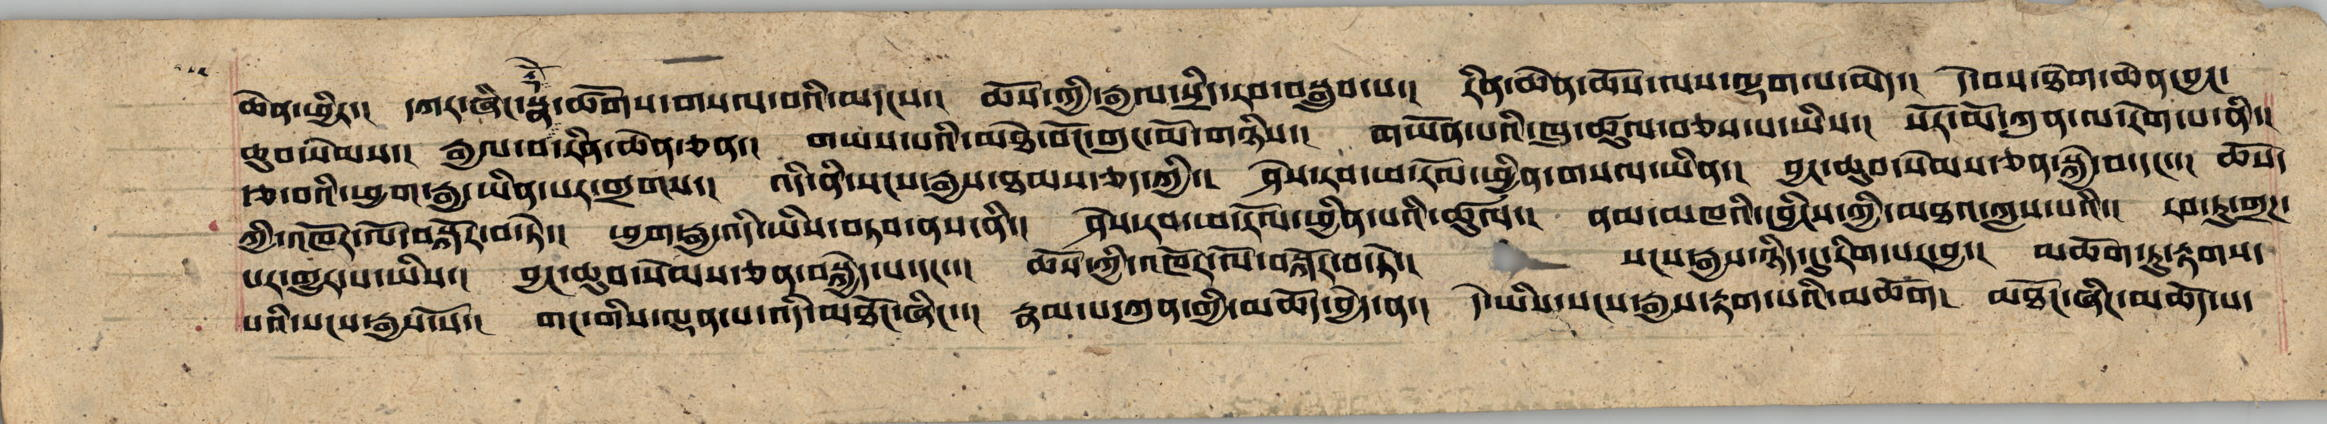ཆེན་ཕྱིར་། དཀར་ཞིང་སྣ་ཚོགས་གསལ་བའི་མདངས་། ཆསོ་ཀྱི་རྒྱལ་སྲིད་རབ་བསྒྲུབ་པ་། རིན་ཆེན་ཆོས་ལས་ལྷག་པ་མེད་། དེ་བས་ཐེག་ཆེན་བྱང་
ཆུབ་སེམས་། རྒྱལ་བ་རིན་ཆེན་ཅན་། གཡས་པའི་མཐེ་བོང་གུང་མོ་གཉིས་། གཡོན་པའི་ཁུ་ཚུལ་བཅས་པ་ཡིས་། སོར་མོ་ཀུན་ལ་རེག་པ་ནི་།
རྩ་བའི་ཕྱག་རྒྱ་ཡིན་པར་གྲགས་། འདི་ནི་སངས་རྒྱས་ཐམས་ཅད་ཀྱི་། ཤེས་རབ་ཕ་རོལ་ཕྱིན་གསལ་ཡིན་། བྱང་ཆུབ་སེམས་ཅན་སྐྱེ་བ་དང་་། ཆོས་
ཀྱི་འཁོར་ལོ་བསྐོར་བ་ཏེ་། ཕྱག་རྒྱ་འདི་ཡིས་བཏབ་ནས་ནི་། ཤེས་རབ་ཕ་རོལ་ཕྱིན་པའི་ཚུལ་། ནམ་མཁའི་དབྱིངས་ཀྱི་མཐའ་ཀླས་པའི་། རབ་ཏུ་གྲཌ་
པར་གྱུར་པ་ཡིས་། བྱང་ཆུབ་སེམས་ཅན་བསྐྱེད་པ་དང་་། ཆོས་ཀྱིའཁོར་ལོ་བསྐོར་བ་ཏེ་། སངས་རྒྱས་ཉིད་དུ་རིག་པར་བྱ་། མཆོག་ཏུ་རྟགས་
པའི་སངས་རྒྱས་སོ་། གང་གིས་ལྡན་པ་འདི་མཐོང་ཞིང་་། རྣམ་པ་ཀུན་གྱི་མཆོད་བྱེད་ན་། དེ་ཡིས་སངས་རྒྱས་རྟག་པའི་མཆོག། མཐོང་ཞིང་མཆོད་པ་